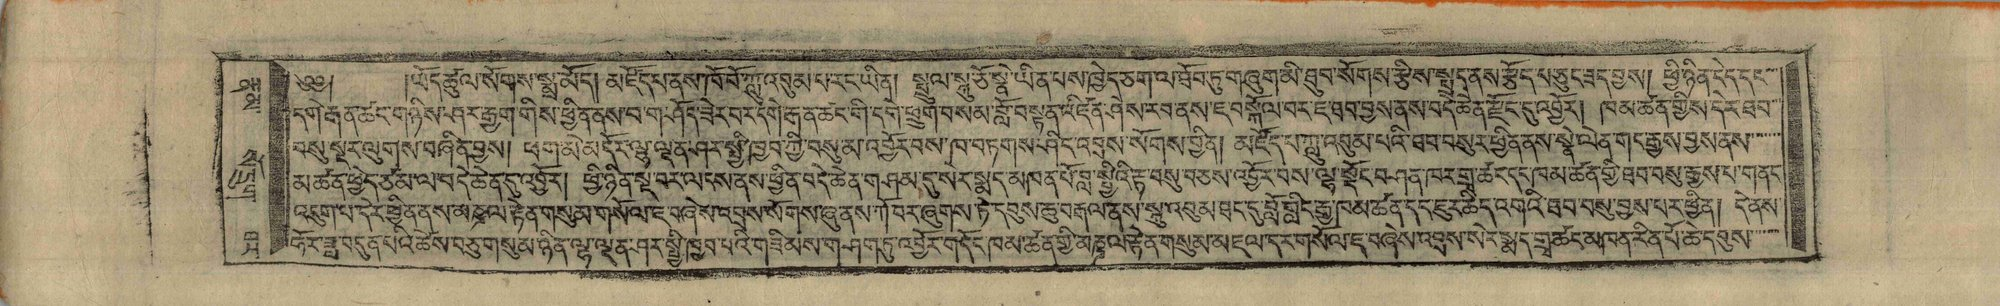༄༅། །ཡོད་ཚུལ་སོགས་སྨྲ་མོད། མཛོད་པ་ནས་ཁོ་བོ་ཀླུ་འབུམ་པ་རང་ཡིན། སྤྲུལ་སྐུ་ཅོ་སྣེ་ཡིན་པས་ཁྱེད་ཅག་ལ་ཐོབ་ཏུ་གཞུག་མི་ཐུབ་སོགས་རྩིས་སྤྲད་ནས་རྩོད་པ་ཅུང་ཟད་བྱས། ཕྱི་ཉིན་ངེད་དང་
དགེ་རྒན་ཚང་གཉིས་ཤར་རྒྱག་གིས་ཕྱིན་ནས་བ་ག་ཤོད་ཟེར་བར་དགེ་རྒན་ཚང་གི་དགེ་ཕྲུག་བསམ་བློ་བསྟན་འཛིན་ཤེས་རབ་ནས་ཇ་བསྐོལ་བར་ཇ་ཐབ་བྱས་ནས་བདེ་ཆེན་རྫོང་དུ་འབྱོར། ཁམ་ཚན་གྱིས་དེར་ཐབ་
བསུ་སྔར་ལུགས་བཞིན་བྱས། ཕག་མེ་མདོར་ལྷ་ལྡན་ཤར་སྤྱི་ཁྱབ་ཀྱི་བསུ་མ་འབྱོར་པས་ཁ་བཏགས་ཤིང་འབྲས་སོགས་བྱིན། མཛོད་པ་ཀླུ་འབུམ་པའི་ཐབ་བསུར་ཕྱིན་ནས་སྣེ་ལེན་གང་རྒྱས་བྱས་ནས་
མཚན་ཕྱེད་ཙམ་ལ་བདེ་ཆེན་དུ་འབྱོར། ཕྱི་ཉིན་སྔ་བར་ལངས་ནས་ཕྱིན་བདེ་ཆེན་གཤམ་དུ་སེར་སྨད་མཁན་པོ་བླ་སྤྱིའི་རྟ་བསུ་བཅས་འབྱོར་བས་ལྷ་སྡོང་བཤན་ཁར་གྲྭ་ཚང་དང་ཁམ་ཚན་གྱི་ཐབ་བསུ་རྒྱས་པ་གནང་
འདུག་པ་དེར་ཕྱིན་ནས་མཎྜལ་རྟེན་གསུམ་གསོལ་ཇ་བཞེས་འབྲས་སོགས་ཞུ་ནས་ཀོ་བར་ཞུགས་ཏེ་དབུས་ཆུ་བརྒལ་ནས་སྐུ་འབུམ་ཐང་དུ་བློ་གླིང་རྒྱ་ཁམ་ཚན་དང་ཇུར་ཆིད་འགའི་ཐབ་བསུ་བྱས་པར་ཕྱིན། དེ་ནས་
ཧོར་ཟླ་བདུན་པའི་ཚེས་བཅུ་གསུམ་ཉིན་ལྷ་ལྡན་ཤར་སྤྱི་ཁྱབ་པའི་གཟིམས་གཤག་ཏུ་འབྱོར་གདོང་ཁམ་ཚན་གྱི་མཎྜལ་རྟེན་གསུམ་མཇལ་དར་གསོལ་ཇ་བཞེས་འབྲས་སེར་སྨད་གྲྭ་ཚང་མཁན་རིན་པོ་ཆེ་དབུས་